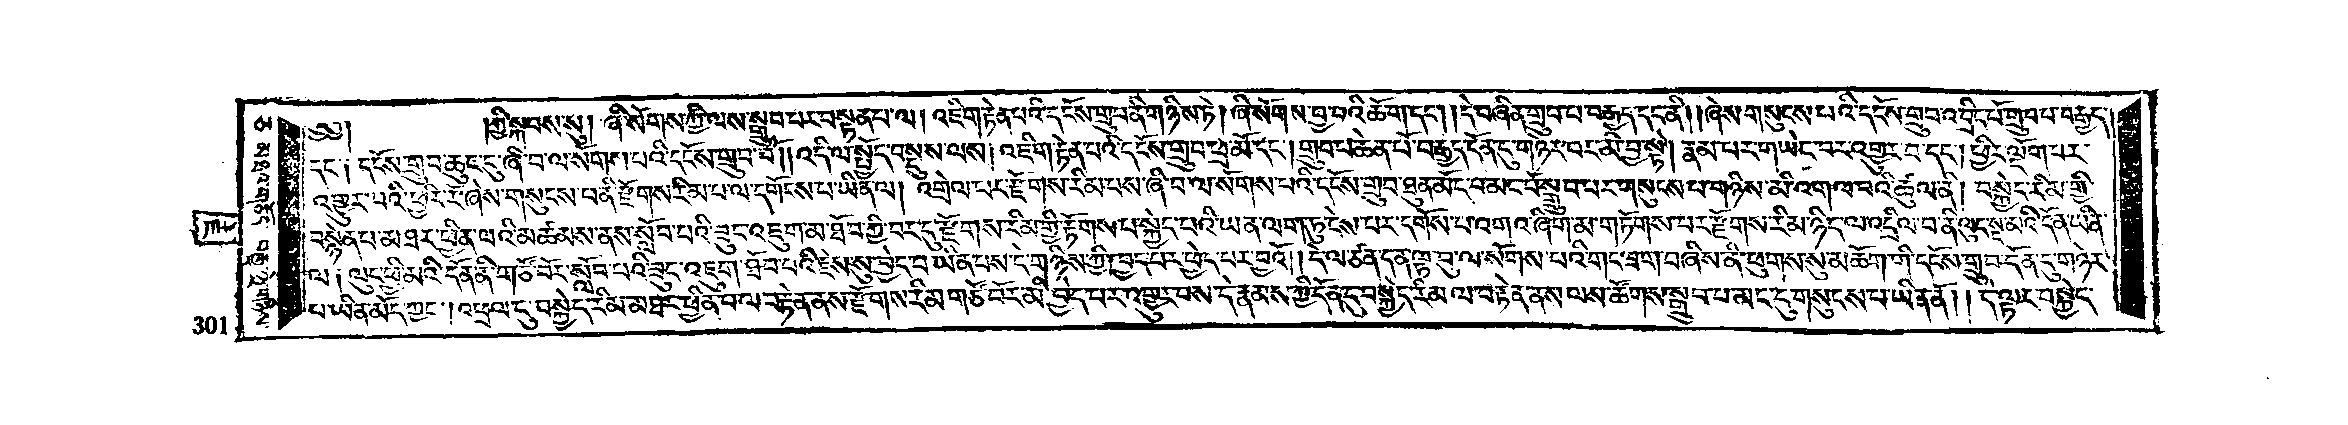༄༅། །ཀྱི་སྐབས་སུ། ཞི་སོགས་ཀྱི་ལས་སྒྲུབ་པར་བསྟན་པ་ལ། འཇིག་རྟེན་པའི་དངོས་གྲུབ་ནི་གཉིས་ཏེ། ཞི་སོགས་བྱ་བའི་ཆོ་ག་དང་། །དེ་བཞིན་གྲུབ་པ་བརྒྱད་དང་ནི། །ཞེས་གསུངས་པའི་དངོས་གྲུབ་འབྲིང་པོ་གྲུབ་པ་བརྒྱད་
དང༑ དངོས་གྲུབ་ཆུང་ངུ་ཞི་བ་ལ་སོགས་པའི་དངོས་གྲུབ་བོ། །འདི་ལ་སྤྱོད་བསྡུས་ལས། འཇིག་རྟེན་པའི་དངོས་གྲུབ་ཕྲ་མོ་དང་། གྲུབ་པ་ཆེན་པོ་བརྒྱད་དོན་དུ་གཉེར་བར་མི་བྱ་སྟེ། རྣམ་པར་གཡེང་བར་འགྱུར་བ་དང་། ཕྱིར་ལྡོག་པར་
འགྱུར་བའི་ཕྱིར་རོ་ཞེས་གསུངས་པ་ནི་རྫོགས་རིམ་པ་ལ་དགོངས་པ་ཡིན་ལ། འགྲེལ་པར་རྫོགས་རིམ་པས་ཞི་བ་ལ་སོགས་པའི་དངོས་གྲུབ་ཐུན་མོང་བ་མང་པོ་སྒྲུབ་པར་གསུངས་པ་གཉིས་མི་འགལ་བའི་ཚུལ་ནི། བསྐྱེད་རིམ་གྱི་
བསྙེན་པ་མཐར་ཕྱིན་པའི་མཚམས་ནས་སློབ་པའི་ཟུང་འཇུག་མ་ཐོབ་ཀྱི་བར་དུ་རྫོགས་རིམ་གྱི་རྟོགས་པ་སྐྱེད་པའི་ཡན་ལག་ཏུ་ངེས་པར་དགོས་པ་འགའ་ཞིག་མ་གཏོགས་པར་རྫོགས་རིམ་ཉིད་ལ་འདྲིལ་བ་ནི་ལུང་སྔ་མའི་དོན་ཡིན་
ལ༑ ལུང་ཕྱི་མའི་དོན་ནི་གཙོ་བོར་སློབ་པའི་ཟུང་འཇུག་ཐོབ་པའི་རྗེས་སུ་བྱེད་པ་ཡིན་པས་དེ་གཉིས་ཀྱི་ཁྱད་པར་ཕྱེད་པར་བྱའོ། །དེ་ལ་ཙན་དན་ལྟ་བུ་ལ་སོགས་པའི་གང་ཟག་བཞིས་ནི་ཕུགས་སུ་མཆོག་གི་དངོས་གྲུབ་དོན་དུ་གཉེར་
པ་ཡིན་མོད་ཀྱང་། འཕྲལ་དུ་བསྐྱེད་རིམ་མཐར་ཕྱིན་པ་ལ་བརྟེན་ནས་རྫོགས་རིམ་གཙོ་བོར་མི་བྱེད་པར་འགྱུར་བས་དེ་རྣམས་ཀྱི་དོན་དུ་བསྐྱེད་རིམ་ལ་བརྟེན་ནས་ལས་ཚོགས་སྒྲུབ་པ་མང་དུ་གསུངས་པ་ཡིན་ནོ། །དེ་ལྟར་བསྐྱེད་